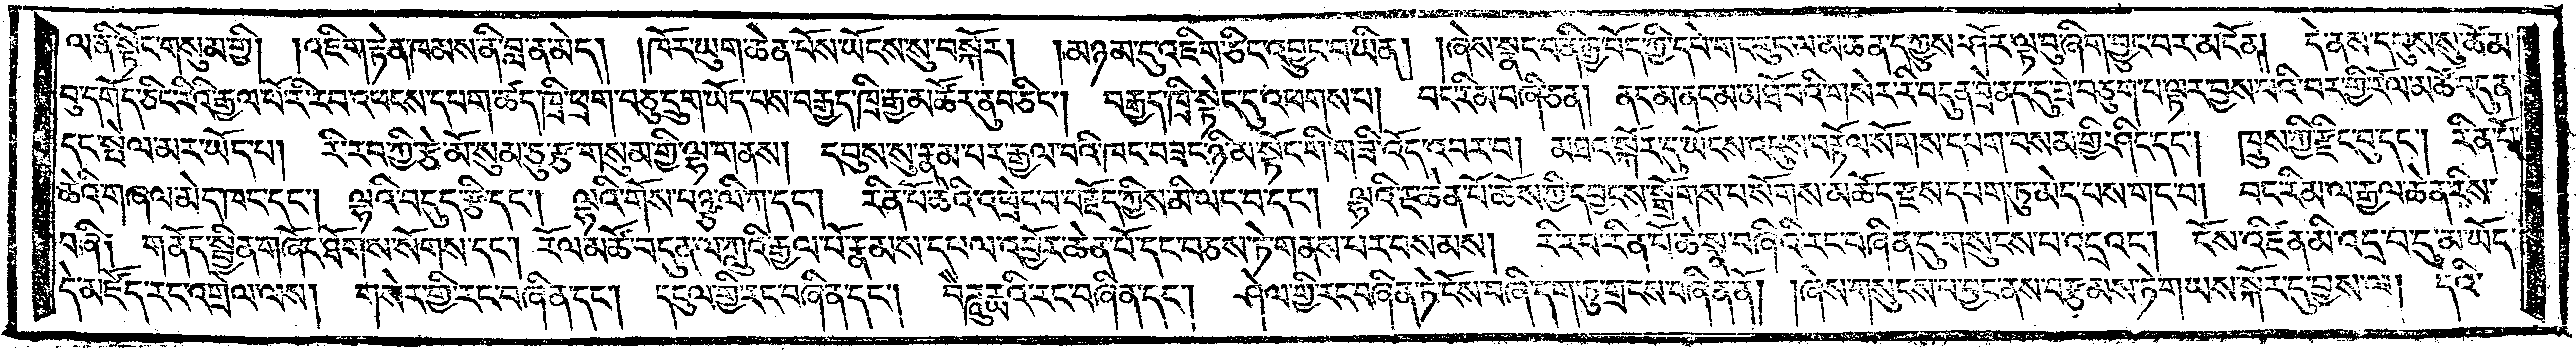ལ་ནི་སྟོང་གསུམ་གྱི། །འཇིག་རྟེན་ཁམས་ནི་བླ་ན་མེད། །ཁོར་ཡུག་ཆེན་པོས་ཡོངས་སུ་བསྐོར། །མཉམ་དུ་འཇིག་ཅིང་འབྱུང་བ་ཡིན། །ཞེས་སྣང་བ་ནི་རྒྱ་བོད་ཀྱི་དཔེ་གང་རུང་ལ་མཆན་དཀྱུས་ཤོར་ལྟ་བུ་ཞིག་བྱུང་བར་མངོན། དེ་ནས་དབུས་སུ་ཚོམ་
བུ་དགོད་ཅིང་རིའི་རྒྱལ་པོ་རི་རབ་འཕངས་དཔག་ཚད་ཁྲི་ཕྲག་བཅུ་དྲུག་ཡོད་པས་བརྒྱད་ཁྲི་རྒྱ་མཚོར་ནུབ་ཅིང་། བརྒྱད་ཁྲི་སྟེང་དུ་འཕགས་པ། བར་རིམ་བཞི་ཅན། ནང་མ་ནང་མ་མཐོ་བའི་གསེར་རི་བདུན་བྲེ་ནང་དུ་བྲེ་བཅུག་པ་ལྟར་བྱས་བའི་བར་གྱི་རོལ་མཚོ་བདུན་
དང་སྤེལ་མར་ཡོད་པ། རི་རབ་ཀྱི་རྩེ་མོ་སུམ་ཅུ་རྩ་གསུམ་གྱི་ལྷ་གནས། དབུས་སུ་རྣམ་བར་རྒྱལ་བའི་ཁང་བཟང་ཉི་མ་སྟོང་གི་གཟི་འོད་འབར་བ། མཐའ་སྐོར་དུ་ཡོངས་སུ་འདུས་བརྟོལ་སོགས་དཔག་བསམ་གྱི་ཤིང་དང་། ཁྲུས་ཀྱི་རྫིང་བུ་དང་། རིན་པོ་
ཆེའི་གཞལ་མེད་ཁང་དང་། ལྷའི་བདུད་རྩི་དང་། ལྷའི་གོས་པཉྩ་ལི་ཀ་དང་། རིན་པོ་ཆེའི་འཕྲེང་བ་བརྗོད་ཀྱིས་མི་ལང་བ་དང་། ལྷའི་རྔ་ཆེན་པོ་ཆོས་ཀྱི་དབྱངས་སྒྲོགས་པ་སོགས་མཆོད་རྫས་དཔག་ཏུ་མེད་པས་གང་བ། བང་རིམ་ལ་རྒྱལ་ཆེན་རིས་
བཞི༑ གནོད་སྦྱིན་གཞོང་ཐོགས་སོགས་དང་། རོལ་མཚོ་བདུན་ལ་ཀླུའི་རྒྱལ་པོ་རྣམས་དཔལ་འབྱོར་ཆེན་བོ་དང་བཅས་ཏེ་གནས་པར་བསམས། རི་རབ་རིན་པོ་ཆེ་སྣ་བཞིའི་རང་བཞིན་དུ་གསུངས་པ་འདྲའང་། ངོས་འཛིན་མི་འདྲ་བ་དུ་མ་ཡོད་
དེ་མཛོད་རང་འགྲེལ་ལས། གསེར་གྱི་རང་བཞིན་དང་། དངུལ་གྱི་རང་བཞིན་དང་། བཻཌཱུརྱའི་རང་བཞིན་དང་། ཤེལ་གྱི་རང་བཞིན་ཏེ་ངོས་བཞི་དག་ཏུ་གྲངས་བཞིན་ནོ། །ཞེས་གསུངས་པ་བྱང་ནས་བརྩམས་ཏེ་གཡས་སྐོར་དུ་བྱས་ལ། དེའི་